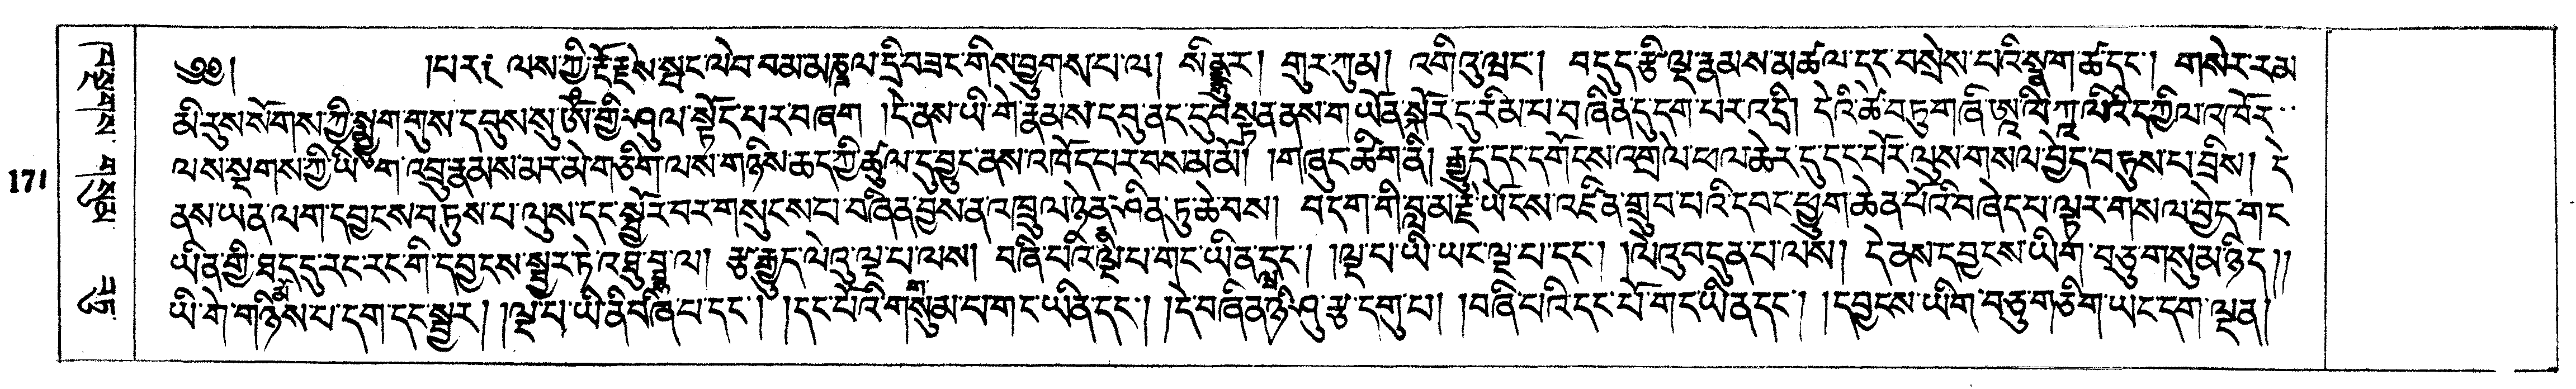༄༅། །པར༑ ལས་ཀྱི་རྡོ་རྗེས་སྤང་ལེབ་བམ་མཎྜལ་དྲི་བཟང་གིས་བྱུགས་པ་ལ། སིནྡྷུ་ར། གུར་ཀུམ། འགིའུ་ཝང་། བདུད་རྩི་ལྔ་རྣམས་མཚལ་དང་བསྲེས་པའི་སྣག་ཚ་དང་། གསེར་རམ་
མི་རུས་སོགས་ཀྱི་སྨྱུག་གུས་དབུས་སུ་ཨོཾ་གྱི་ཤུལ་སྟོང་པར་བཞག །དེ་ནས་ཡི་གེ་རྣམས་དབུ་ནང་དུ་བསྟན་ནས་གཡོན་སྐོར་དུ་རིམ་པ་བཞིན་དུ་དག་པར་འདྲི། དེའི་ཚེ་བཏུ་གཞི་ཨཱ་ལི་ཀཱ་ལིའི་དཀྱིལ་འཁོར་
ལས་སྔགས་ཀྱི་ཡིག་འབྲུ་རྣམས་མར་མེ་གཅིག་ལས་གཉིས་ཆད་ཀྱི་ཚུལ་དུ་བྱུང་ནས་འཁོད་པར་བསམ་མོ། །གཞུང་ཚིག་ནི། རྒྱུད་དང་དགོངས་འགྲེལ་ཕལ་ཆེར་དུ་དང་པོར་ལུས་གསལ་བྱེད་བཏུས་པ་བྲིས། དེ་
ནས་ཡན་ལག་དབྱངས་བཏུས་པ་ལུས་དང་སྦྱོར་བར་གསུངས་པ་བཞིན་བྱས་ན་འཁྲུལ་ཉེན་ཤིན་ཏུ་ཆེ་བས། བདག་གི་བླ་མ་རྗེ་ཡོངས་འཛིན་གྲུབ་པའི་དབང་ཕྱུག་ཆེན་པོའི་བཞེད་པ་ལྟར་གསལ་བྱེད་གང་
ཡིན་གྱི་ཐད་དུ་རང་རང་གི་དབྱངས་སྦྱར་ཏེ་འཐུ་བྦྷ་ལ། རྩ་རྒྱུད་ལེའུ་ལྔ་པ་ལས། བཞི་པའི་ལྔ་པ་གང་ཡིན་དང་། །ལྔ་པ་ཡི་ཡང་ལྔ་པ་དང་། །ལེའུ་བདུན་པ་ལས། དེ་ནས་དབྱངས་ཡིག་བཅུ་གསུམ་ཉིད། །
ཡི་གེ་གཉིས་པ་དག་དང་སྦྱར། །ལྔ་པ་ཡི་ནི་བཞི་པ་དང་། །དང་པོའི་གསུམ་པ་གང་ཡིན་དང་། །དེ་བཞིན་ཉི་ཤུ་རྩ་དགུ་པ། །བཞི་པའི་དང་པོ་གང་ཡིན་དང་། །དབྱངས་ཡིག་བཅུ་གཅིག་ཡང་དག་ལྡན་